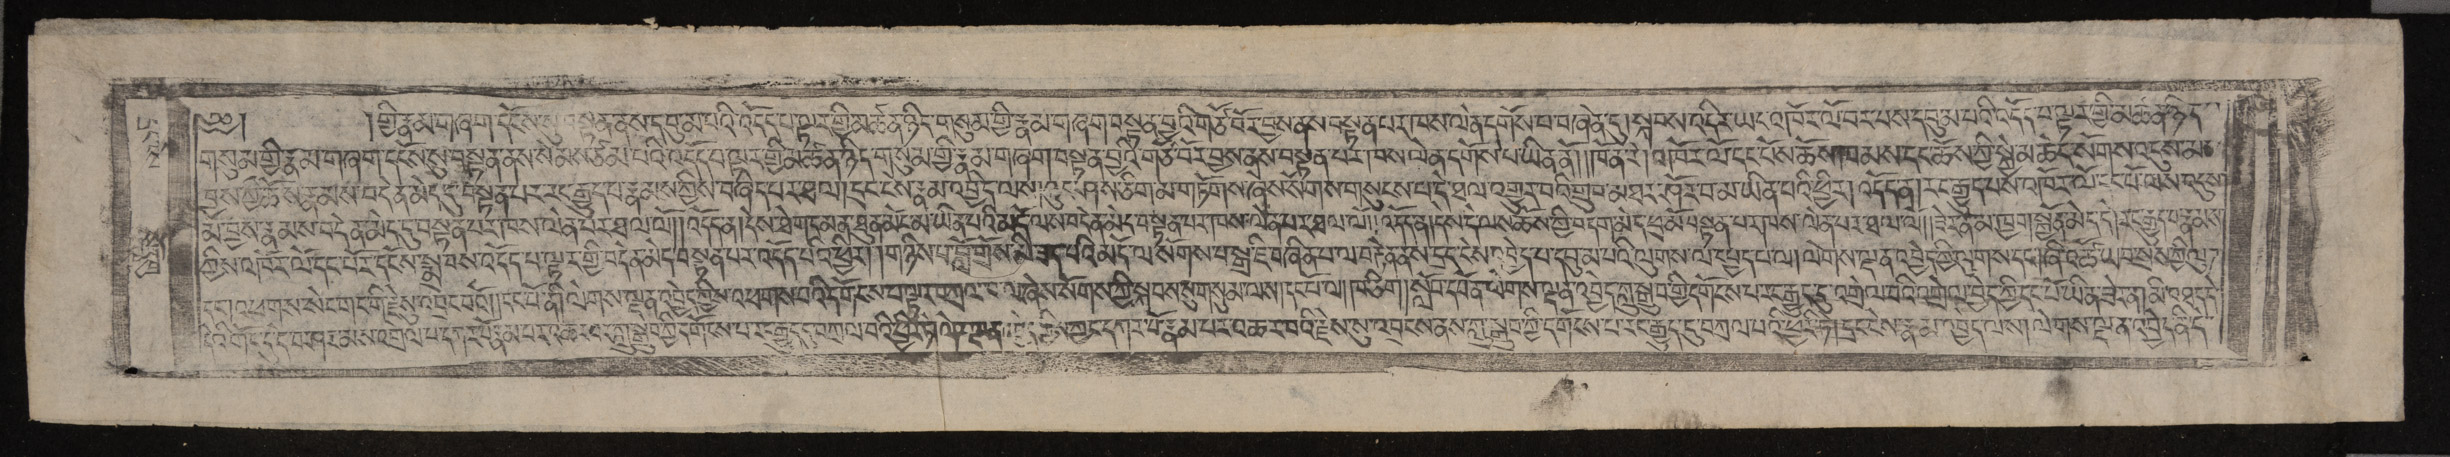༄༅། །གྱི་རྣམ་གཞག་དངོས་སུ་བསྟན་ནས་དབུ་མ་པའི་འདོད་པ་ལྟར་གྱི་མཚན་ཉིད་གསུམ་གྱི་རྣམ་གཞག་བསྟན་བྱའི་གཙོ་བོར་བྱས་ནས་བསྟན་པར་ཁས་ལེན་དགོས་པ་བཞིན་དུ། སྐབས་འདིར་ཡང་འཁོར་ལོ་བར་པས་དབུ་མ་པའི་འདོད་པ་ལྟར་གྱི་མཚན་ཉིད་
གསུམ་གྱི་རྣམ་གཞག་དངོས་སུ་བསྟན་ནས་སེམས་ཙམ་པའི་འདོད་པ་ལྟར་གྱི་མཚན་ཉིད་གསུམ་གྱི་རྣམ་གཞག་བསྟན་བྱའི་གཙོ་བོར་བྱས་ནས་བསྟན་པར་ཁས་ལེན་དགོས་པ་ཡིན་ནོ། །ཁོ་ན་རེ། འཁོར་ལོ་དང་པོས་ཆོས་ཁམས་དང་ཆོས་ཀྱི་སྐྱེ་མཆེད་སོགས་འདུས་མ་
བྱས་ཀྱི་ཆོས་རྣམས་བདེན་མེད་དུ་བསྟན་པར་རང་རྒྱུད་པ་རྣམས་ཀྱིས་བཞེད་པར་ཐལ། དྲང་ངེས་རྣམ་འབྱེད་ལས། ཉུང་ཤས་ཅིག་མ་གཏོགས་ཞེས་སོགས་གསུངས་པ་དེ་ཐལ་འགྱུར་བའི་གྲུབ་མཐར་ཤོར་བ་མ་ཡིན་པའི་ཕྱིར། འདོད་ན། རང་རྒྱུད་པས་འཁོར་ལོ་དང་པོ་ལས་འདུས་
མ་བྱས་རྣམས་བདེན་མེད་དུ་བསྟན་པར་ཁས་ལེན་པར་ཐལ་ལོ། །འདོད་ན། དེས་ཐེག་དམན་ཐུན་མོང་མ་ཡིན་པའི་མདོ་ལས་བདེན་མེད་བསྟན་པར་ཁས་ལེན་པར་ཐལ་ལོ། །འདོད་ན། དེས་དེ་ལས་ཆོས་ཀྱི་བདག་མེད་ཕྲ་མོ་བསྟན་པར་ཁས་ལེན་པར་ཐལ་ལོ། །ཟེར་ན་མ་ཁྱབ། སྐྱོན་མེད་དེ། རང་རྒྱུད་པ་རྣམས་
ཀྱིས་འཁོར་ལོ་དང་པོར་དངོས་སྨྲ་བས་འདོད་པ་ལྟར་གྱི་བདེན་མེད་བསྟན་པར་འདོད་པའི་ཕྱིར། །གཉིས་པ་བློ་གྲོས་མི་ཟད་པའི་མདོ་ལ་སོགས་པ་སྒྲ་ཇི་བཞིན་པ་ལ་བརྟེན་ནས་དྲང་ངེས་འབྱེད་པ་དབུ་མ་པའི་ལུགས་ལ་དཔྱད་པ་ལ། ལེགས་ལྡན་འབྱེད་ཀྱི་ལུགས་དང་། ཞི་འཚོ་ཡབ་སྲས་ཀྱི་ལུགས་
དང་། འཕགས་སེང་གང་གི་རྗེས་སུ་འབྲང་བའོ། །དང་པོ་ནི། ལེགས་ལྡན་འབྱེད་ཀྱིས་འཕགས་པའི་དགོངས་པ་ལྟར་བཀྲལ་བ་ལ་ཞེས་སོགས་ཀྱི་སྐབས་སུ་གསུམ་ལས། དང་པོ་ལ། ཁ་ཅིག། སློབ་དཔོན་ལེགས་ལྡན་འབྱེད་ཀླུ་སྒྲུབ་གྱི་དགོངས་པ་རང་རྒྱུད་དུ་འགྲེལ་བའི་འགྲེལ་བྱེད་ཀྱི་དང་པོ་ཡིན་ཟེར་ན། མི་འཐད་དེ་
དེའི་གོང་དུ་དེ་བ་ཤར་མས་འགྲེལ་པ་དཀར་པོ་རྣམ་པར་འཆར་བར་ཀླུ་སྒྲུབ་ཀྱི་དགོངས་པ་རང་རྒྱུད་དུ་བཀྲལ་བའི་ཕྱིར་ཏེ། ལེགས་ལྡན་འབྱེད་ཀྱིས་ཀྱང་དཀར་པོ་རྣམ་པར་འཆར་བའི་རྗེས་སུ་འབྲངས་ནས་ཀླུ་སྒྲུབ་ཀྱི་དགོངས་པ་རང་རྒྱུད་དུ་བཀྲལ་བའི་ཕྱིར་ཏེ། དྲང་ངེས་རྣམ་འབྱེད་ལས། ལེགས་ལྡན་འབྱེད་ནི་དེ་